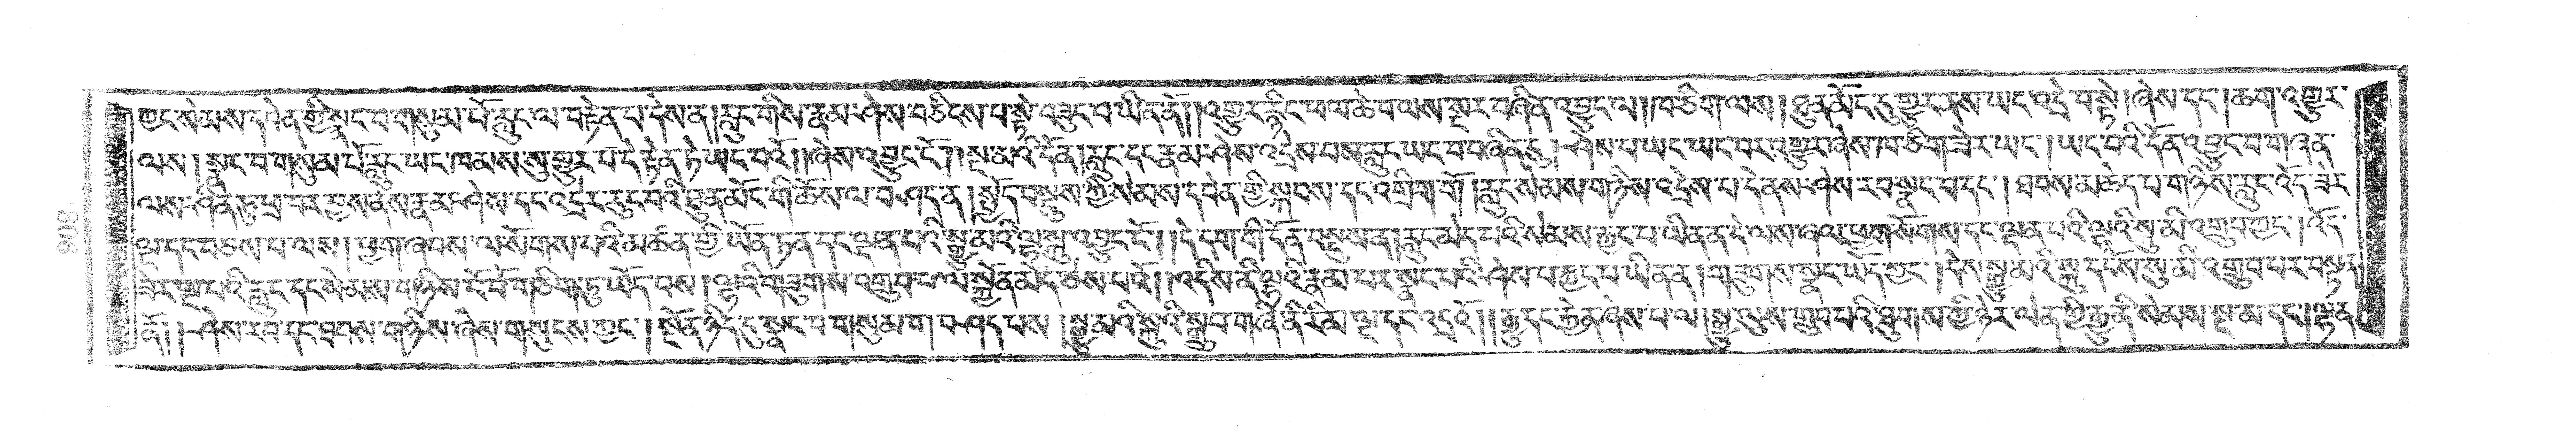ཀྱང་སེམས་དབེན་ཀྱི་སྣང་བ་གསུམ་པོ་རླུང་ལ་བརྟེན་པ་དེས་ན། རླུང་གིས་རྣམ་ཤེས་བཅིངས་པ་སྟེ་བཟུང་བ་ཡིན་ན། །འགྱུར་རྙིང་ཕལ་ཆེ་བ་ལས་སྔར་བཞིན་འབྱུང་ལ། ཁ་ཅིག་ལས། ཐུན་མོང་དུ་གྱུར་ནས་ཡང་འདྲེ་བ་སྟེ། ཞེས་དང་། ཆག་འགྱུར་
ལས། སྣང་བ་གསུམ་པོ་རླུང་ཡང་ཁམས་སུ་གྱུར་པ་དེ་རྟེན་ཏེ་ཡང་བའོ། །ཞེས་འབྱུང་ངོ། །སྔ་མའི་དོན། རླུང་དང་རྣམ་ཤེས་འདྲེས་པས་རླུང་ཡང་བ་བཞིན་དུ། ཤེས་པ་ཡང་ཡང་བར་འགྱུར་ཞེས་ཁ་ཅིག་ཟེར་ཡང་། ཡང་བའི་དོན་འབྱུང་བ་གཞན་
ལས་ཤིན་ཏུ་ཕྲ་བར་བྱས་ནས་རྣམ་ཤེས་དང་འདྲེར་རུང་བའི་ཐུན་མོང་གི་ཆོས་ལ་བཤད་ན། སྤྱོད་བསྡུས་ཀྱི་སེམས་དབེན་གྱི་སྐབས་དང་འགྲིག་གོ །རླུང་སེམས་གཉིས་འདྲེས་པ་དེ་ནས་ཤེས་རབ་སྣང་བ་དང་། ཐབས་མཆེད་པ་གཉིས་རླུང་འོད་ཟེར་
ལྔ་དང་བཅས་པ་ལས། ཕྱག་ཞབས་ལ་སོགས་པའི་མཚན་གྱི་ཡོན་ཏན་དང་ལྡན་པའི་སྒྱུ་མའི་ལྷ་སྐུ་འབྱུང་ངོ། །དེ་དག་གི་དོན་བསྡུས་ན། རླུང་མེད་པའི་སེམས་རྐྱང་པ་ཡིན་ན་དེ་ལས་ཞལ་ཕྱག་སོགས་དང་ལྡན་པའི་ལྷའི་སྐུ་མི་འགྲུབ་ཀྱང་། འོད་
ཟེར་ལྔ་པའི་རླུང་དང་སེམས་གཉིས་ངོ་བོ་གཅིག་ཏུ་ཡོད་པས། ལྷའི་གཟུགས་འགྲུབ་པ་ལ་སྐྱོན་མེད་ཅེས་པའོ། །འདིས་ནི་ལྷའི་རྣམ་པར་སྣང་བའི་ཤེས་པ་རྐྱང་པ་ཡིན་ན། གཟུགས་སྣང་ཡོད་ཀྱང་། དེས་སྒྱུ་མའི་སྐུ་དངོས་སུ་མི་འགྲུབ་པར་བསྟེན་
ནོ། །ཤེས་རབ་དང་ཐབས་གཉིས་ཞེས་གསུངས་ཀྱང་། སྔོན་ཉིད་དུ་སྣང་བ་གསུམ་ག་བཤད་པས། སྒྱུ་མའི་སྐུའི་སྒྲུབ་གཞི་ནི་རིམ་ལྔ་དང་འདྲའོ། །རྒྱུ་དང་རྐྱེན་ཞེས་པ་ལ། སྒྱུ་ལུས་གྲུབ་པའི་ཐུགས་ཀྱི་ཉེར་ལེན་གྱི་རྒྱུ་ནི་སེམས་སྔ་མ་དང་། ལྷན་